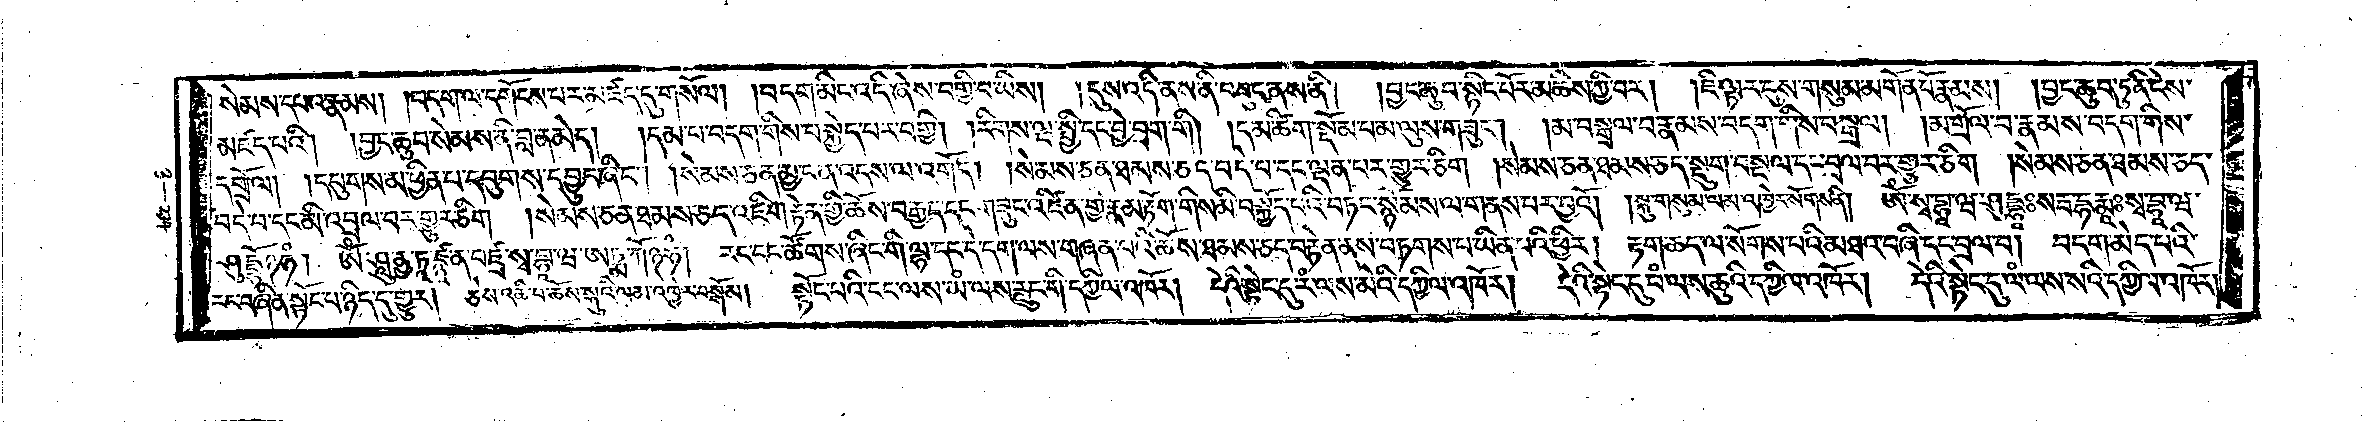སེམས་དཔའ་རྣམས། །བདག་ལ་དགོངས་པར་མཛད་དུ་གསོལ། །བདག་མིང་འདི་ཞེས་བགྱི་བ་ཡིས། །དུས་འདི་ནས་ནི་བཟུང་ནས་ནི། །བྱང་ཆུབ་སྙིང་པོར་མཆིས་ཀྱི་བར། །ཇི་ལྟར་དུས་གསུམ་མགོན་པོ་རྣམས། །བྱང་ཆུབ་ཏུ་ནི་ངེས་
མཛད་པའི། །བྱང་ཆུབ་སེམས་ནི་བླ་ན་མེད། །དམ་པ་བདག་གིས་བསྐྱེད་པར་བགྱི། །རིགས་ལྔ་སྤྱི་དང་བྱེ་བྲག་གི། །དམ་ཚིག་སྡོམ་པ་མ་ལུས་གཟུང་། །མ་བསྒྲལ་བ་རྣམས་བདག་གིས་བསྒྲལ། །མ་གྲོལ་བ་རྣམས་བདག་གིས་
དགྲོལ། །དཔུགས་མ་ཕྱིན་པ་དབུགས་དབྱུང་ཞིང་། །སེམས་ཅན་མྱ་ངན་འདས་ལ་འགོད། །སེམས་ཅན་ཐམས་ཅད་བདེ་བ་དང་ལྡན་པར་གྱུར་ཅིག །སེམས་ཅན་ཐམས་ཅད་སྡུག་བསྔལ་དང་བྲལ་བར་གྱུར་ཅིག །སེམས་ཅན་ཐམས་ཅད་
བདེ་བ་དང་མི་འབྲལ་བར་གྱུར་ཅིག །སེམས་ཅན་ཐམས་ཅད་འཇིག་རྟེན་གྱི་ཆོས་བརྒྱད་དང་གཟུང་འཛིན་གྱི་རྣམ་རྟོག་གིས་མི་བསྐྱོད་པའི་བཏང་སྙོམས་ལ་གནས་པར་བྱའོ། །སྐུ་གསུམ་ལམ་འཁྱེར་སོགས་ནི།  ཨོཾ་སྭ་བྷཱ་ཝ་ཤུདྡྷཱཿསརྦ་དྷརྨཱཿསྭ་བྷཱ་ཝ་
ཤུདྡྷོ་ཉ་ཧཾ། ཨོཾ་ཤླུནྱ་ཏཱ་ཛྙཱ་ན་བྫྲ་སྭ་བྷཱ་ཝ་ཨཏྨ་ཀོཉཧཾ། རང་དང་ཚོགས་ཞིང་གི་ལྷ་དང་དེ་དག་ལས་གཞན་པའི་ཆོས་ཐམས་ཅད་བརྟེན་ནས་བཏགས་པ་ཡིན་པའི་ཕྱིར། རྟག་ཆད་ལ་སོགས་པའི་མཐའ་བཞི་དང་བྲལ་བ། བདག་མེད་པའི་
རང་བཞིན་སྟོང་པ་ཉིད་དུ་གྱུར། ཅེས་འཆི་བ་ཆོས་སྐུའི་ལམ་འཁྱེར་བསྒོམ།  སྟོང་པའི་ངང་ལས་ཡཾ་ལས་རླུང་གི་དཀྱིལ་འཁོར། དེའི་སྟེང་དུ་རཾ་ལས་མེའི་དཀྱིལ་འཁོར། དེའི་སྟེང་དུ་བཾ་ལས་ཆུའི་དཀྱིལ་འཁོར། དེའི་སྟེང་དུ་ལཾ་ལས་སའི་དཀྱིལ་འཁོར་